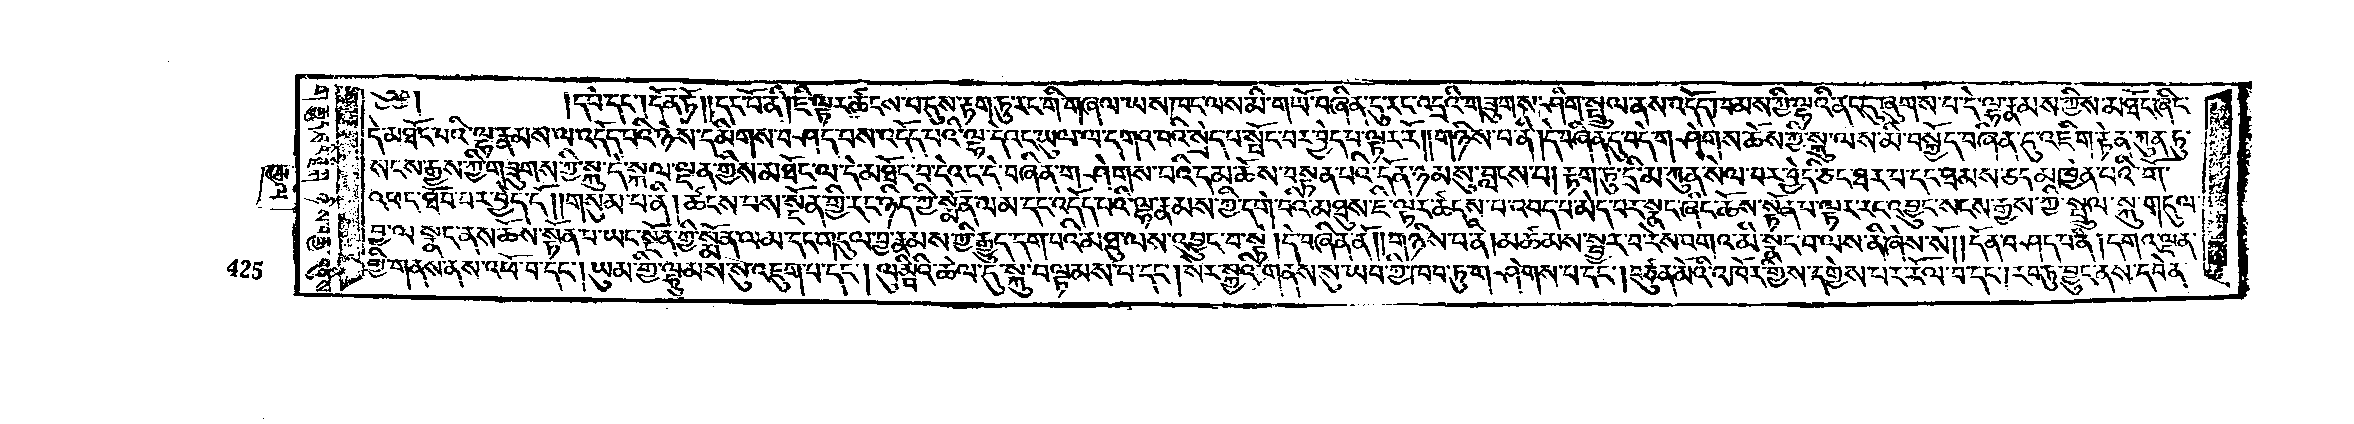༄༅། །དཔེ་དང་། དོན་ཏོ། །དང་པོ་ནི། ཇི་ལྟར་ཚངས་པ་དུས་རྟག་ཏུ་རང་གི་གཞལ་ཡང་ཁང་ལས་མི་གཡོ་བཞིན་དུ་རང་འདྲའི་གཟུགས་ཤིག་སྤྲུལ་ནས་འདོད་ཁམས་ཀྱི་ལྷའི་ནང་དུ་ཞུགས་པ་དེ་ལྷ་རྣམས་ཀྱིས་མཐོང་ཞིང་
དེ་མཐོང་བའི་ལྷ་རྣམས་ལ་འདོད་པའི་ཉེས་དམིགས་བཤད་པས་འདོད་པའི་ལྷ་དེའང་ཡུལ་ལ་དགའ་བའི་སྲེད་པ་སྤོང་བར་བྱེད་པ་ལྟར་རོ། །གཉིས་པ་ནི། དེ་བཞིན་དུ་བདེ་གཤེགས་ཆོས་ཀྱི་སྐུ་ལས་མི་བསྐྱོད་བཞིན་དུ་འཇིག་རྟེན་ཀུན་ཏུ་
སངས་རྒྱས་ཀྱི་གཟུགས་ཀྱི་སྐུ་དེ་སྐལ་ལྡན་གྱིས་མཐོང་ལ་དེ་མཐོང་བ་དེའང་དེ་བཞིན་གཤེགས་པའི་དམ་ཆོས་བསྟན་པའི་དོན་ཉམས་སུ་བླངས་པ། རྟག་ཏུ་དྲི་མ་ཀུན་སེལ་བར་བྱེད་ཅིང་ཐར་པ་དང་ཐམས་ཅད་མཁྱེན་པའི་གོ་
འཕང་ཐོབ་པར་བྱེད་དོ། །གསུམ་པ་ནི། ཚངས་པས་སྔོན་གྱི་རང་ཉིད་ཀྱི་སྨོན་ལམ་དང་འདོད་པའི་ལྷ་རྣམས་ཀྱི་དགེ་བའི་མཐུས་ཇི་ལྟར་ཚངས་པ་འབད་པ་མེད་པར་སྣང་ཞིང་ཆོས་སྟོན་པ་ལྟར་རང་འབྱུང་སངས་རྒྱས་ཀྱི་སྤྲུལ་སྐུ་གདུལ་
བྱ་ལ་སྣང་ནས་ཆོས་སྟོན་པ་ཡང་སྔོན་གྱི་སྨོན་ལམ་དང་གདུལ་བྱ་རྣམས་ཀྱི་རྒྱུད་དག་པའི་མཐུ་ལས་འབྱུང་བ་སྟེ། དེ་བཞིན་ནོ། །གཉིས་པ་ནི། མཚམས་སྦྱར་བ་རེས་འགའ་མི་སྣང་བ་ལས་ནི་ཞེས་སོ། །དོན་བཤད་པ་ནི། དགའ་ལྡན་
གྱི་གནས་ནས་འཕོ་བ་དང་། ཡུམ་གྱི་ལྷུམས་སུ་འཇུག་པ་དང་ལུམྦིའི་ཆེལ་དུ་སྐུ་བལྟམས་པ་དང་། སེར་སྐྱའི་གནས་སུ་ཡབ་ཀྱི་ཁབ་ཏུ་གཤེགས་པ་དང་། བཙུན་མོའི་འཁོར་གྱིས་དགྱེས་པར་རོལ་བ་དང་། རབ་ཏུ་བྱུང་ནས་དབེན་